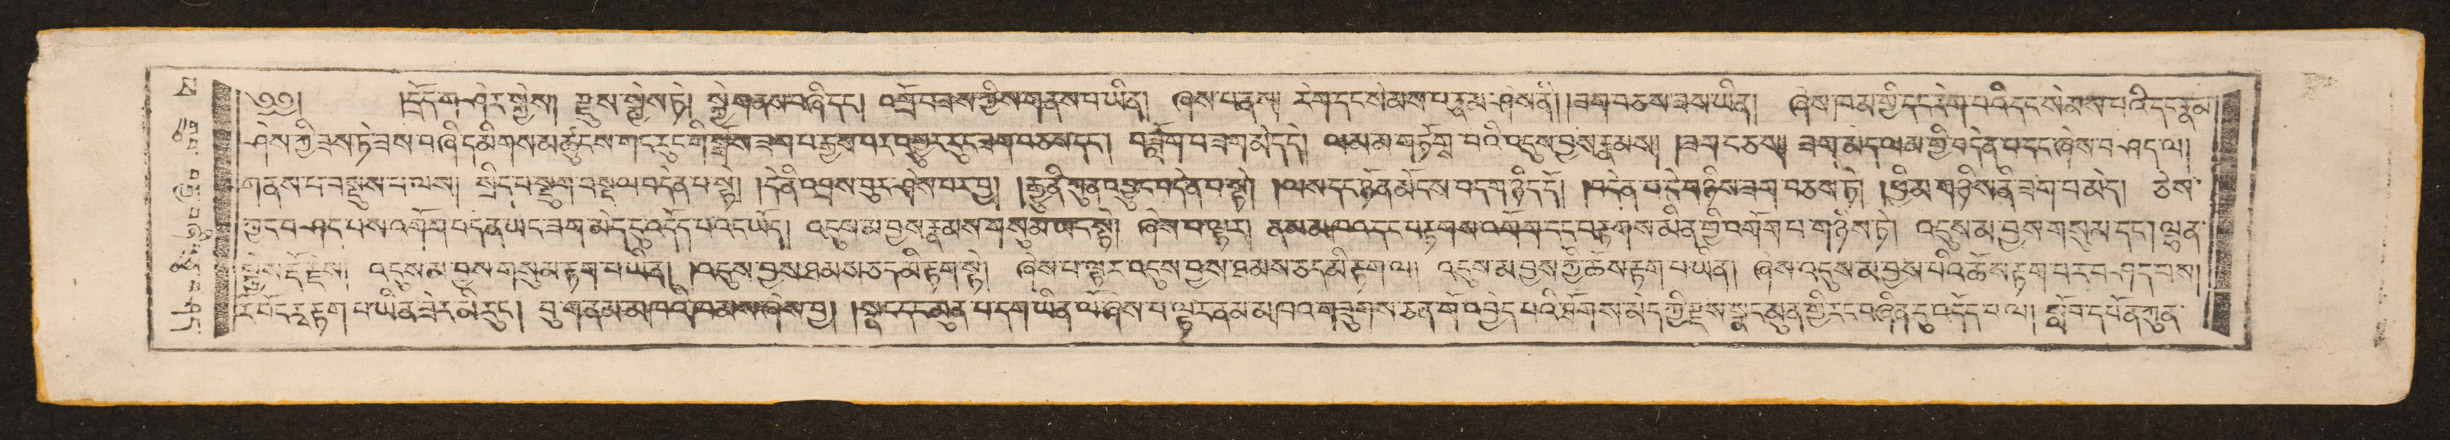༄༅། །དྲོད་གཤེར་སྐྱེས། རྫུས་སྐྱེས་ཏེ། སྐྱེ་གནས་བཞི་དང་། འགྲོ་བཟས་ཀྱིས་གནས་པ་ཡིན། ཞེས་པ་ནས། རེག་དང་སེམས་པ་རྣམ་ཤེས་ནི། །ཟག་བཅས་ཟས་ཡིན། ཞེས་ཁམ་གྱི་དང་རེག་པའི་དང་སེམས་པའི་དང་རྣམ་
ཤེས་ཀྱི་ཟས་ཏེ་ཟས་བཞི་དམིགས་མཚུངས་གང་རུང་གི་སྒོས་ཟག་པ་རྒྱས་པར་འགྱུར་རུང་ཟག་བཅས་དང་། བཟློག་པ་ཟག་མེད་དེ། ལམ་མ་གཏོགས་པའི་འདུས་བྱས་རྣམས། །ཟག་བཅས། ཟག་མེད་ལམ་གྱི་བདེན་པ་དང་ཞེས་བཤད་ལ།
གནས་པ་བསྡུས་པ་ལས། སྲིད་པ་སྡུག་བསྔལ་བདེན་པ་སྟེ། །དེ་ནི་འབྲས་བུར་ཤེས་པར་བྱ། །རྒྱུ་ནི་ཀུན་འབྱུང་བདེན་པ་སྟེ། །ལས་དང་ཉོན་མོངས་བདག་ཉིད་དོ། །བདེན་པ་དེ་གཉིས་ཟག་བཅས་ཏེ། །བྱི་མ་གཉིས་ནི་ཟག་པ་མེད། ཅེས་
ཀྱང་བཤད་པས་འགོག་བདེན་ཡང་ཟག་མེད་དུ་འདོད་པའང་ཡོད། འདུས་མ་བྱས་རྣམས་གསུམ་ཡང་སྟེ། ཞེས་པ་ལྟར། ནམ་མཁའ་དང་བརྟགས་འགོག་དང་བརྟགས་མིན་གྱི་འགོག་པ་གཉིས་ཏེ། འདུས་མ་བྱས་གསུམ་དང་། ལྷན་
སྐྱེས་རྡོ་རྗེས། འདུས་མ་བྱས་གསུམ་རྟག་པ་ཡིན། །འདུས་བྱས་ཐམས་ཅད་མི་རྟག་སྟེ། ཞེས་པ་ལྟར་འདུས་བྱས་ཐམས་ཅད་མི་རྟག་ལ། འདུས་མ་བྱས་ཀྱི་ཆོས་རྟག་པ་ཡིན། ཞེས་འདུས་མ་བྱས་པའི་ཆོས་རྟག་པར་བཤད་པས།
རི་བོང་རྭ་རྟག་པ་ཡིན་ཟེར་མི་རུང་། བུག་ནམ་མཁའི་ཁམས་ཞེས་བྱ། །སྣང་དང་མུན་པ་དག་ཡིན་ལོ་ཞེས་པ་ལྟར་ནམ་མཁའ་གཟུགས་ཅན་གོ་འབྱེད་པའི་ཐོགས་མེད་ཀྱི་རྫས་སྣང་མུན་གྱི་རང་བཞིན་དུ་འདོད་པ་ལ། སློབ་དཔོན་ཀུན་